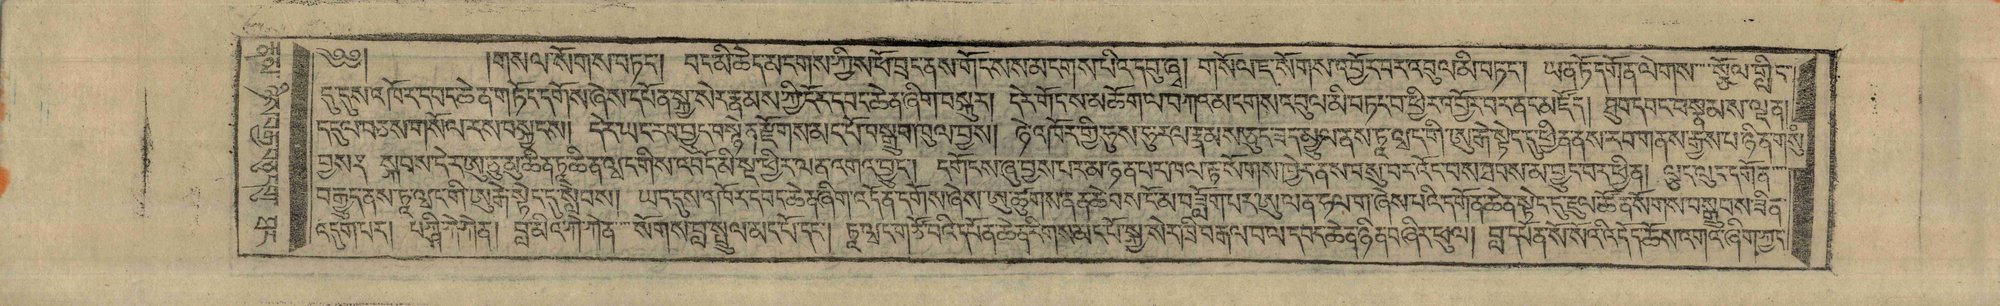༄༅། །གསལ་སོགས་བཏང་། བང་མི་ཆེད་མངགས་ཀྱིས་ཕོ་བྲང་ནས་གོངས་ས་མངགས་པའི་དབུ་ཞྭ། གསོལ་ཇ་སོགས་འབྱོར་བར་འབུལ་མི་བཏང་། ཡན་ཏོ་དགོན་ལེགས་སྩོལ་གླིང་
དུ་དུས་འཁོར་དབང་ཆེན་གཏོང་དགོས་ཞེས་དཔོན་སྐྱ་སེར་རྣམས་ཀྱི་ངོར་དབང་ཆེན་ཞིག་བསྐུར། དེར་གོང་ས་མཆོག་ལ་བཀའ་མངགས་འབུལ་མི་བཏང་བ་ཕྱིར་འབྱོར་བར་ནང་མཛོད། ཐུབ་དབང་བསྣམས་ལྡན།
དངུལ་བཅས་གསོལ་རས་བསྐྱངས། དེར་ཡང་རབ་བྱུང་བསྙེན་རྫོགས་མང་པོ་བསྒྲུབ་ཁུལ་བྱས། ཉེ་འཁོར་གྱི་ཧུས་ཧུ་རལ་རྣམས་ཅུང་ཟད་མྱུལ་ནས་ཏཱ་ཝང་གི་ཨུརྒེ་སྟེང་དུ་ཕྱིན་ནས་རབ་གནས་རྒྱས་པ་ཉིན་གསུམ་
བྱས། སྐབས་དེར་ཨུ་ཅུ་མུ་ཆིན་ཏཱ་ཆིན་ཝང་གིས་འབོད་མི་སྔ་ཕྱིར་ལན་འགའ་བྱུང་། དགོངས་ཞུ་བྱས་པར་མ་ཉན་པར་ཁལ་རྟ་སོགས་ཁྱེར་ནས་བསུ་བར་འོང་བས་ཐབས་མ་བྱུང་བར་ཕྱིན། ལྕང་ལུང་དགོན་
བརྒྱུད་ནས་ཏཱ་ཝང་གི་ཨུརྒེ་སྟེང་དུ་སླེབས། ཡང་དུས་འཁོར་དབང་ཆེན་ཞིག་འདོན་དགོས་ཞེས་ཨུ་ཚུགས་ནན་ཆེ་བས་ངོ་མ་བཟློག་པར་ཨུ་ལན་ཧལ་ག་ཞེས་པའི་དགོན་ཆེན་སྟེང་དུ་རྡུལ་ཚོན་སོགས་བསྒྲུབས་ཟིན་
འདུག་པར། པཀྴི་ཀེ་ཀེན། བླ་མའི་ཀེ་ཀེན་སོགས་བླ་སྤྲུལ་མང་པོ་དང་། ཏཱ་ཝང་གཙོ་བའི་དཔོན་ཆེན་རིགས་མང་པོ་སྐྱ་སེར་ཁྲི་བརྒལ་བ་ལ་དབང་ཆེན་ཉིན་བཞིར་ཕུལ། བླ་དཔོན་སོ་སོའི་འདོད་ཆོས་འགའ་ཞིག་ཀྱང་